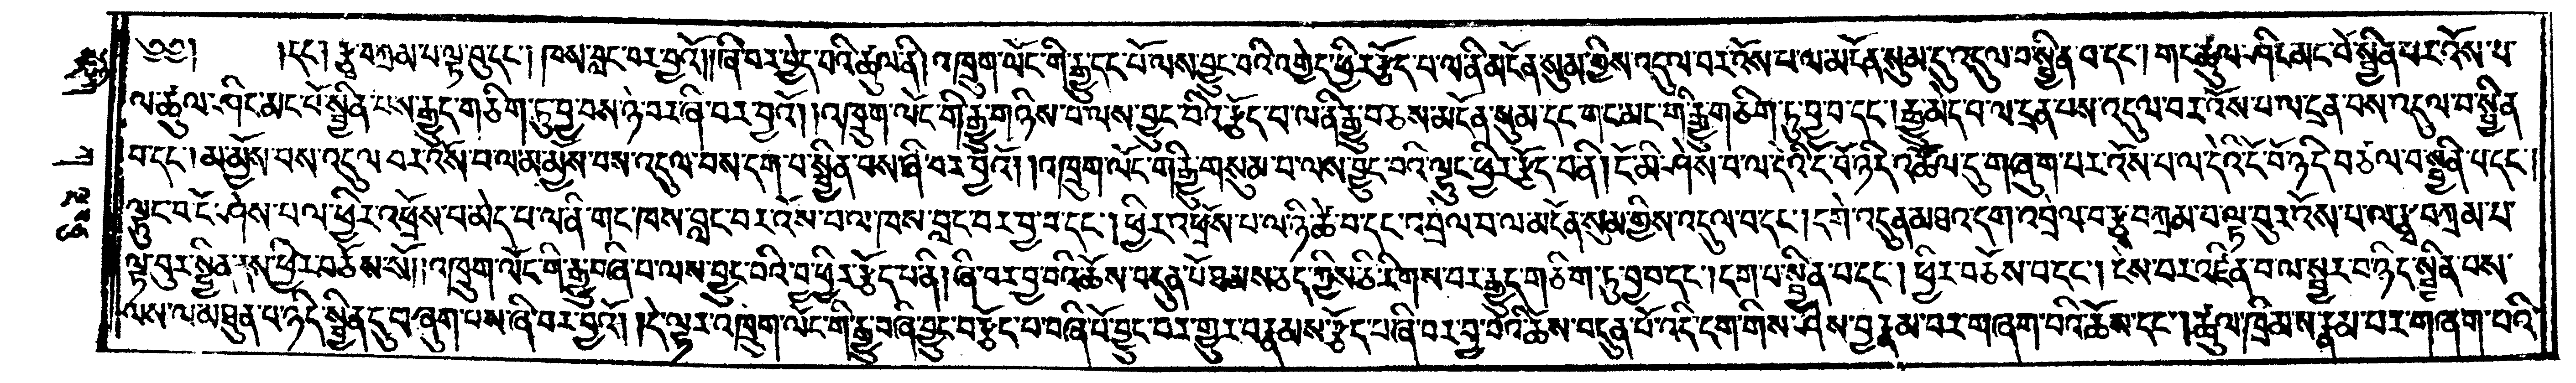༄༅། །དང་། རྩྭ་བཀྲམ་པ་ལྟ་བུ་དང་། ཁས་བླང་བར་བྱའོ། །ཞི་བར་བྱེད་པའི་ཚུལ་ནི། འཁྲུག་ལོང་གི་རྒྱུ་དང་པོ་ལས་བྱུང་བའི་འགྱེད་ཕྱིར་རྩོད་པ་ལ་ནི་མངོན་སུམ་གྱིས་འདུལ་བར་འོས་པ་ལ་མངོན་སུམ་དུ་འདུལ་བ་སྦྱིན་པ་དང་། གང་ཚུལ་ཤིང་མང་པོ་སྦྱིན་པར་འོས་པ་
ལ་ཚུལ་ཤིང་མང་པོ་སྦྱིན་པས་རྒྱུད་གཅིག་ཏུ་བྱ་བས་ཉེ་བར་ཞི་བར་བྱའོ། །འཁྲུག་ལོང་གི་རྒྱུ་གཉིས་པ་ལས་བྱུང་བའི་རྩོད་པ་ལ་ནི་རྒྱུ་བཅས་མངོན་སུམ་དང་གང་མང་གི་རྒྱུ་གཅིག་ཏུ་བྱ་བ་དང་། རྒྱུ་མེད་པ་ལ་དྲན་པས་འདུལ་བར་འོས་པ་ལ་དྲན་པས་འདུལ་བ་སྤྱིན་
བ་དང་། མ་མྱོས་པས་འདུལ་བར་འོས་པ་ལ་མ་མྱོས་པས་འདུལ་བས་དག་པ་སྦྱིན་པས་ཞི་བར་བྱའོ། །འཁྲུག་ལོང་གི་རྒྱུ་གསུམ་པ་ལས་བྱུང་བའི་ལྟུང་ཕྱིར་རྩོད་པ་ནི། ངོ་མི་ཤེས་པ་ལ་དེའི་ངོ་བོ་ཉིད་འཚོལ་དུ་གཞུག་པར་འོས་པ་ལ་དེའི་ངོ་བོ་ཉིད་བཙལ་བ་སྦྱིན་པ་དང་།
ལྟུང་བ་ངོ་ཤེས་པ་ལ་ཕྱིར་འཕྲོས་པ་མེད་པ་ལ་ནི་གང་ཁས་བླང་བར་འོས་པ་ལ་ཁས་བླང་བར་བྱ་བ་དང་། ཕྱིར་འཕྲོས་པ་ལ་ཉི་ཚེ་བ་དང་འབྲེལ་བ་ལ་མངོན་སུམ་གྱིས་འདུལ་བ་དང་། དགེ་འདུན་མཐའ་དག་འབྲེལ་བ་རྩྭ་བཀྲམ་པ་ལྟ་བུར་འོས་པ་ལ་རྩྭ་བཀྲམ་པ་
ལྟ་བུར་སྦྱིན་ནས་ཕྱིར་བཅོས་སོ། །འཁྲུག་ལོང་གི་རྒྱུ་བཞི་པ་ལས་བྱུང་བའི་བྱ་ཕྱིར་རྩོད་པ་ནི། ཞི་བར་བྱ་བའི་ཆོས་བདུན་པོ་ཐམས་ཅད་ཀྱིས་ཅི་རིགས་པར་རྒྱུད་གཅིག་ཏུ་བྱ་བ་དང་། དག་པ་སྤྱིན་པ་དང་། ཕྱིར་བཅོས་བ་དང་། ངེས་པར་འཛིན་བ་ལ་སྦྱར་བ་ཉིད་སྦྱིན་པས་
ལས་ལ་མཐུན་པ་ཉིད་སྦྱིན་དུ་བཞུག་པས་ཞི་བར་བྱའོ། །དེ་ལྟར་འཁྲུག་ལོང་གི་རྒྱུ་བཞི་བྱུང་བརྩོད་པ་བཞི་པོ་བྱུང་བར་གྱུར་བ་རྣམས་རྩོད་པ་ཞི་བར་བྱ་བའི་ཆོས་བདུན་པོ་འདི་དག་གིས་ཤེས་བྱ་རྣམ་བར་གཞག་བའི་ཆོས་དང་། ཚུལ་ཁྲིམས་རྣམ་པར་གཞག་པའི་